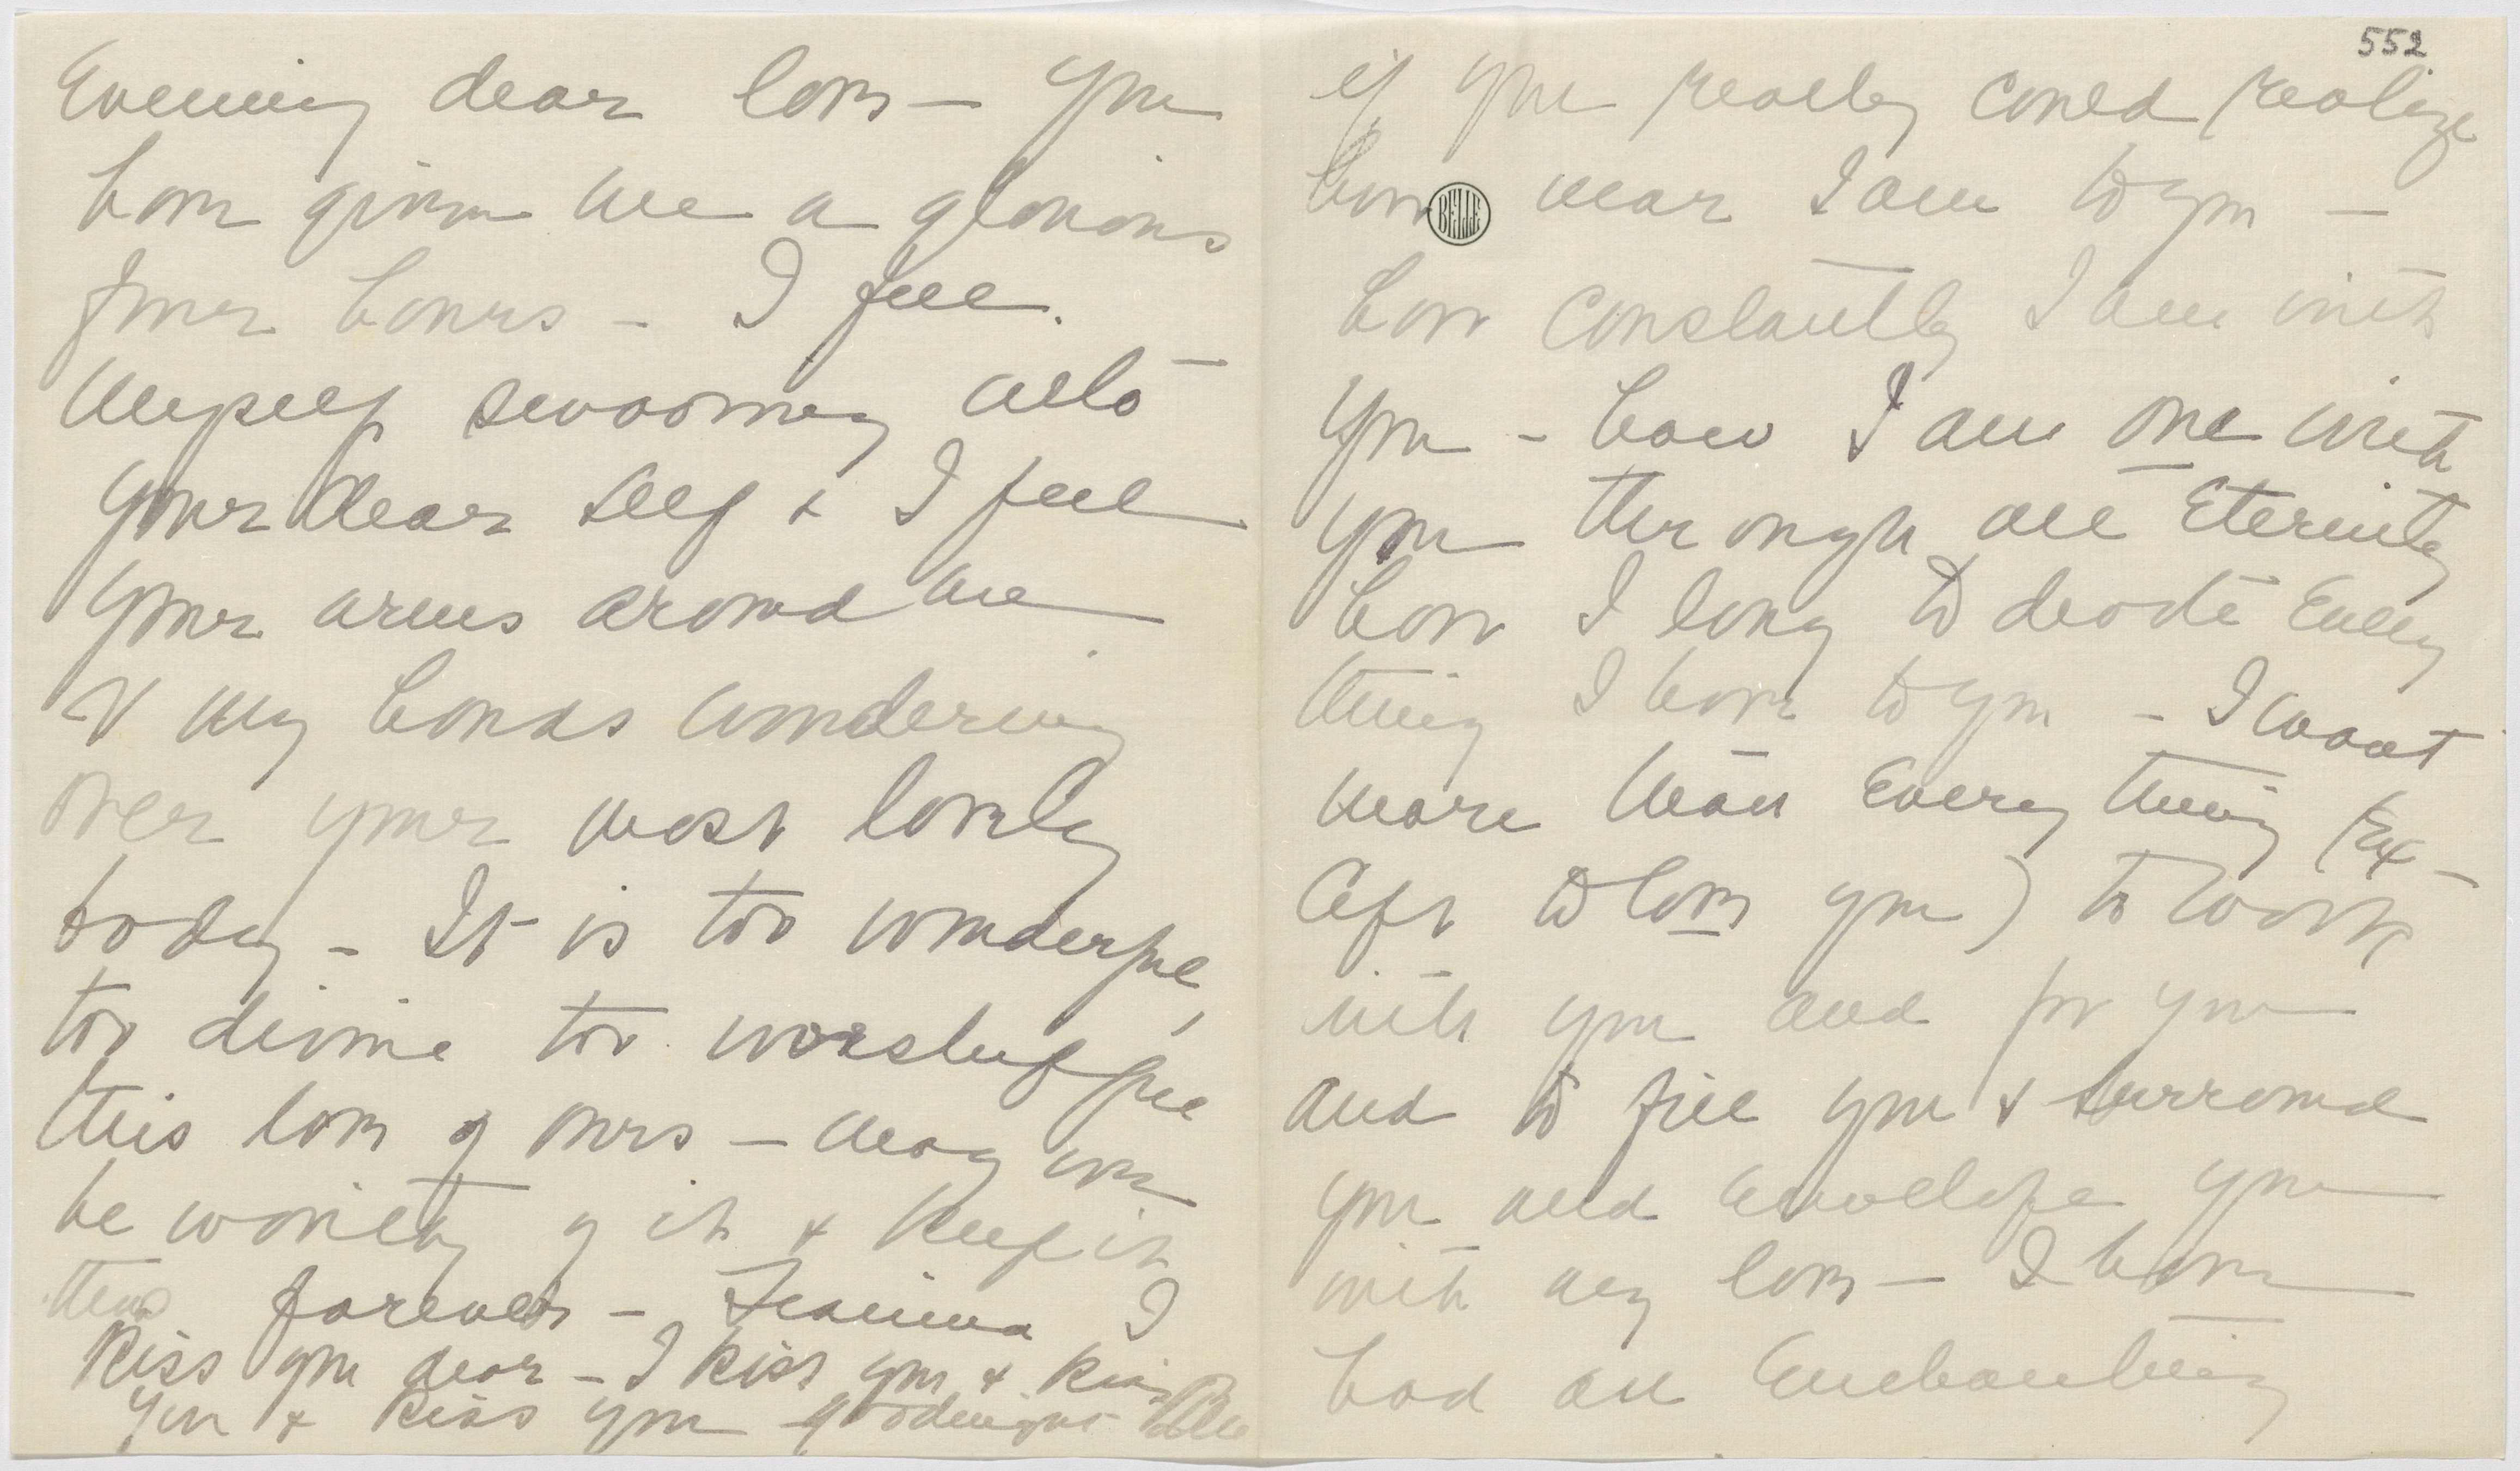if you really could realize how near I am to you – how constantly I am with you – how I am one with you through all eternity how I long to devote every thing I have to you – I want more than ever thing (except to love you) to work with you and for you and to fill you & surround you and envelope you with my love – I have had an enchanting
evening dear love – you have given me a glorious four hours – I feel myself swooning into your dear self & I feel your arms around me & my hand wandering over your most lovely body – It is too wonderful, too divine too worshipful this love of ours – may we be worthy of it & keep it thus forever – Fiamma I kiss you dear – I kiss you & kiss you & kiss you – Goodnight – Belle